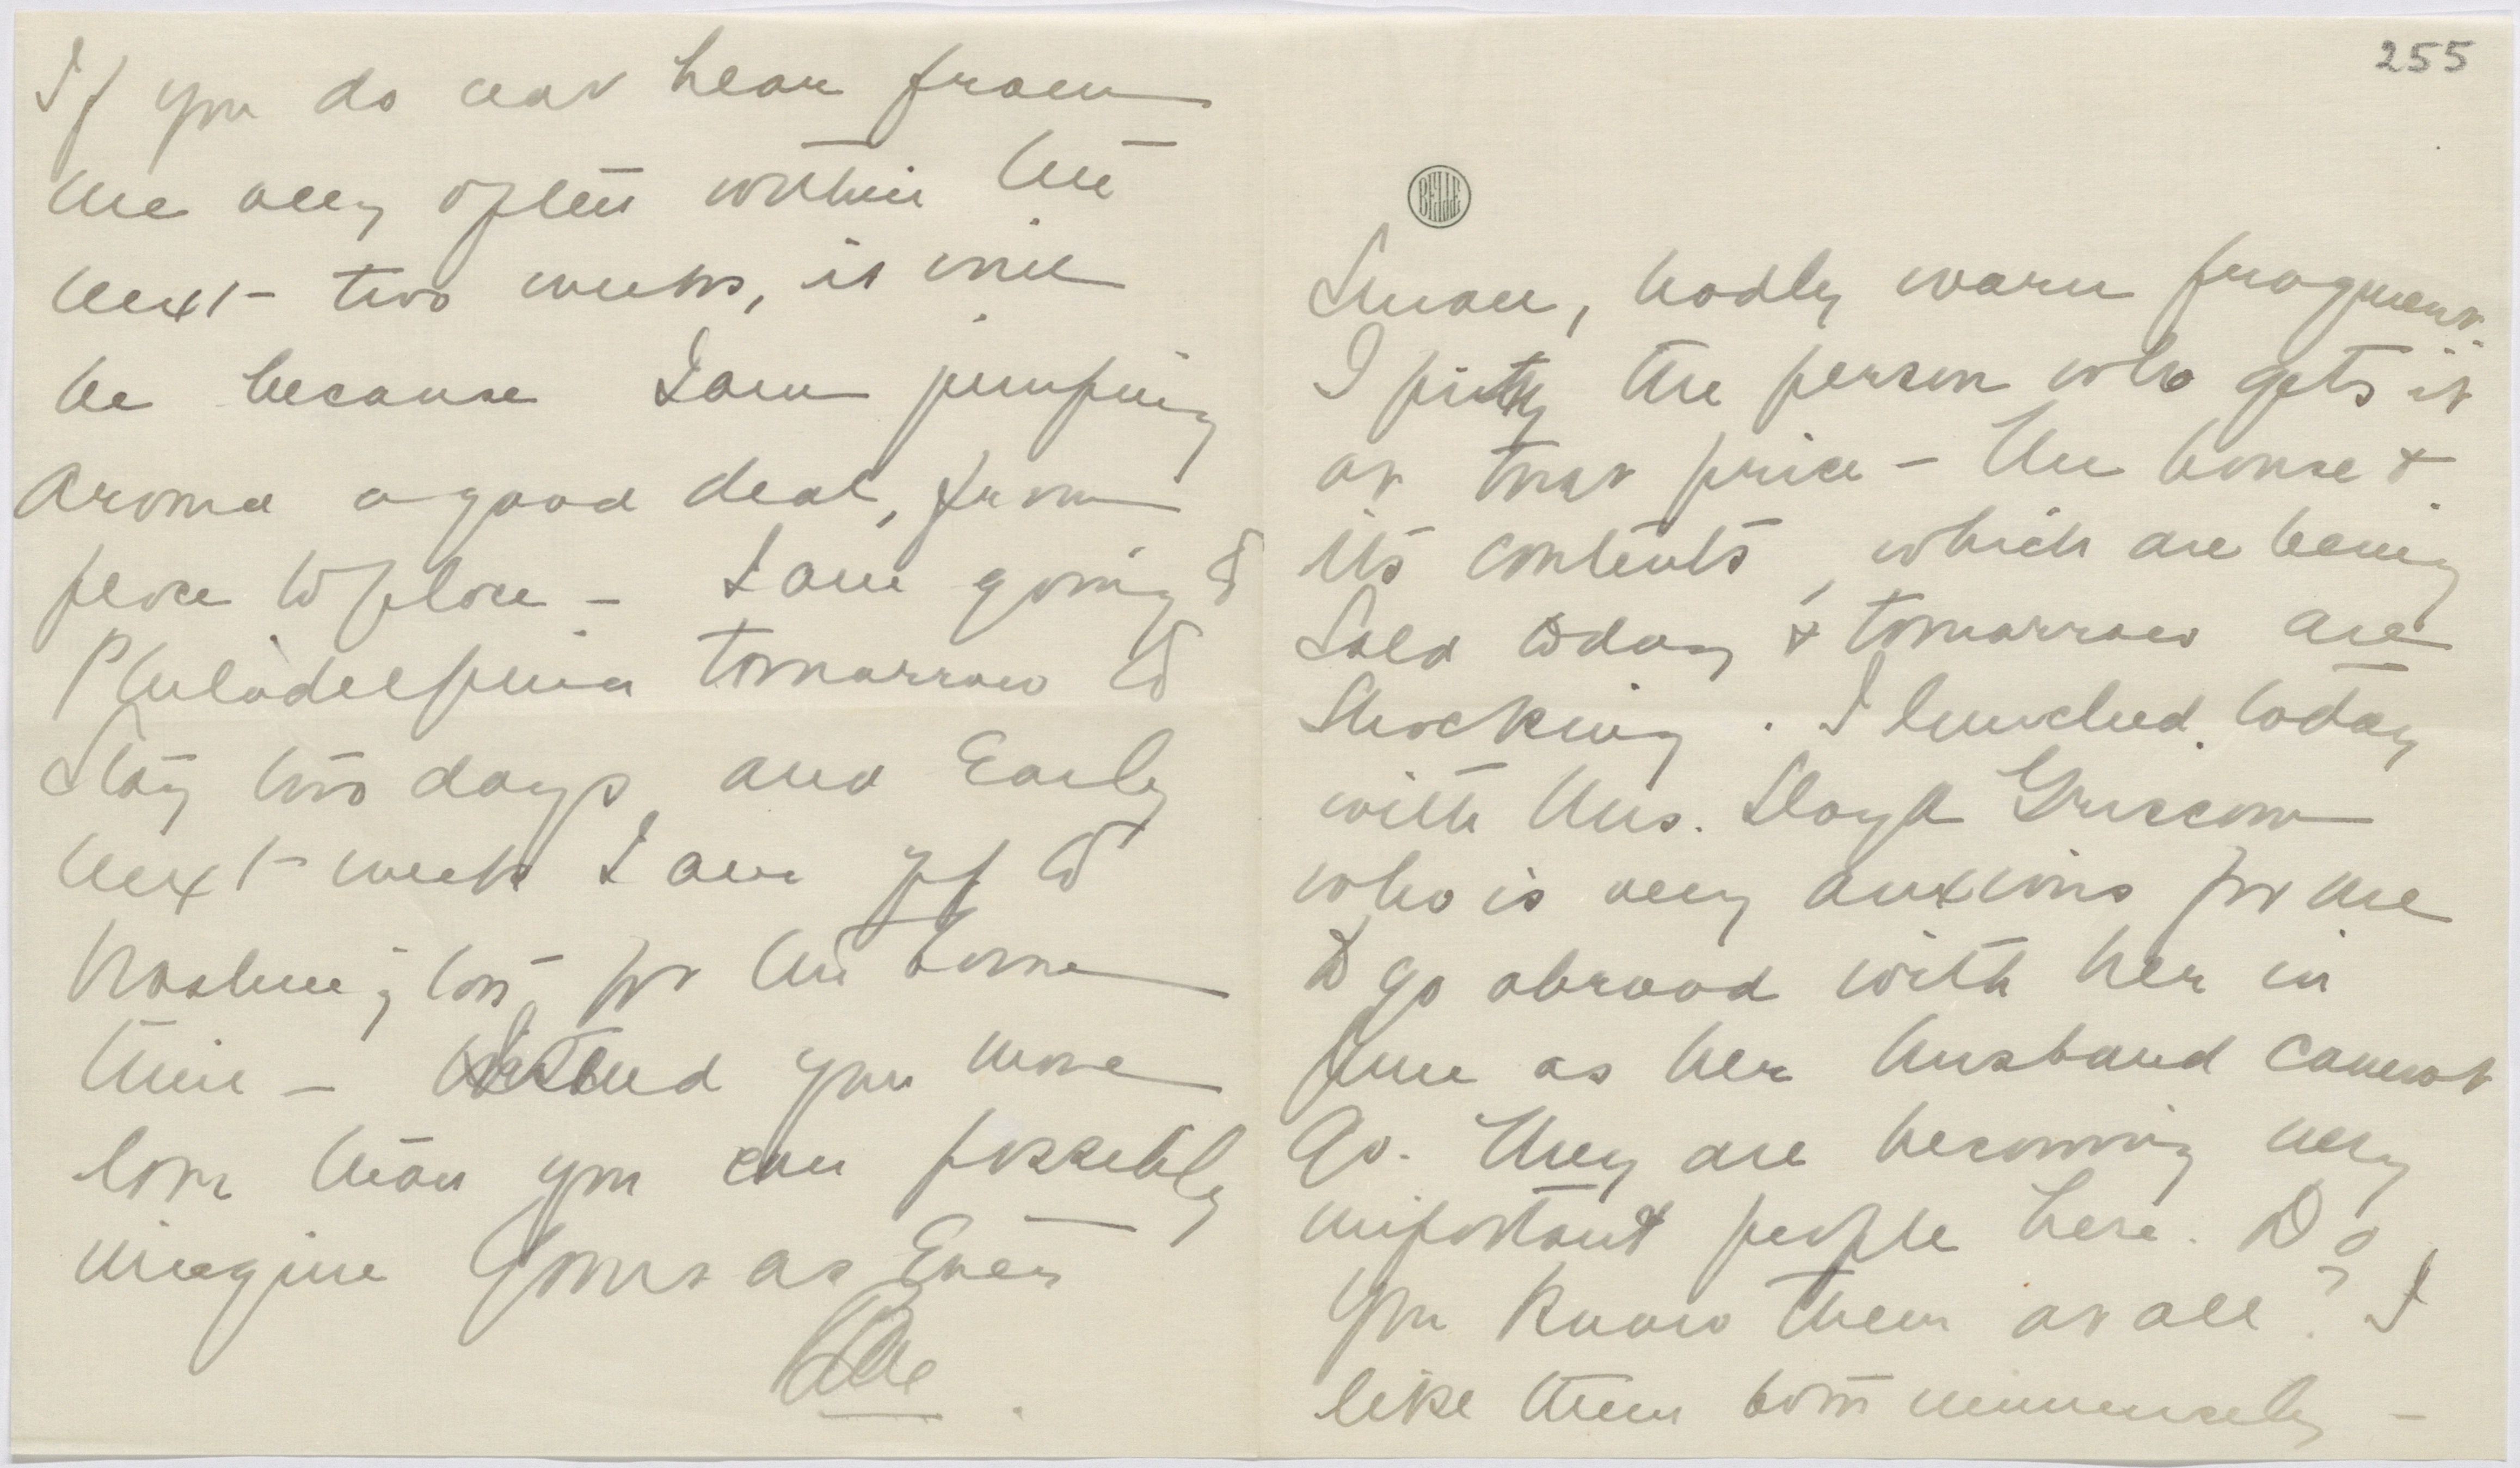Small badly worn fragment. I pity the person who gets it at that price – The house & its contents, which are being sold today & tomorrow are shocking. I lunched today with Mrs. Lloyd Griscom who is very anxious for me to go abroad with her in June as her husband cannot go. They are becoming very important people here. Do you know them at all? I like them both immensely –
If you do not hear from me very often within the next two weeks, it will be because I am jumping around a good deal, from place to place – I am going to Philadelphia tomorrow to stay two days and early next week I am off to Washington for the home [?] time – I send you more love than you can possibly imagine
Yours as Ever
Belle.